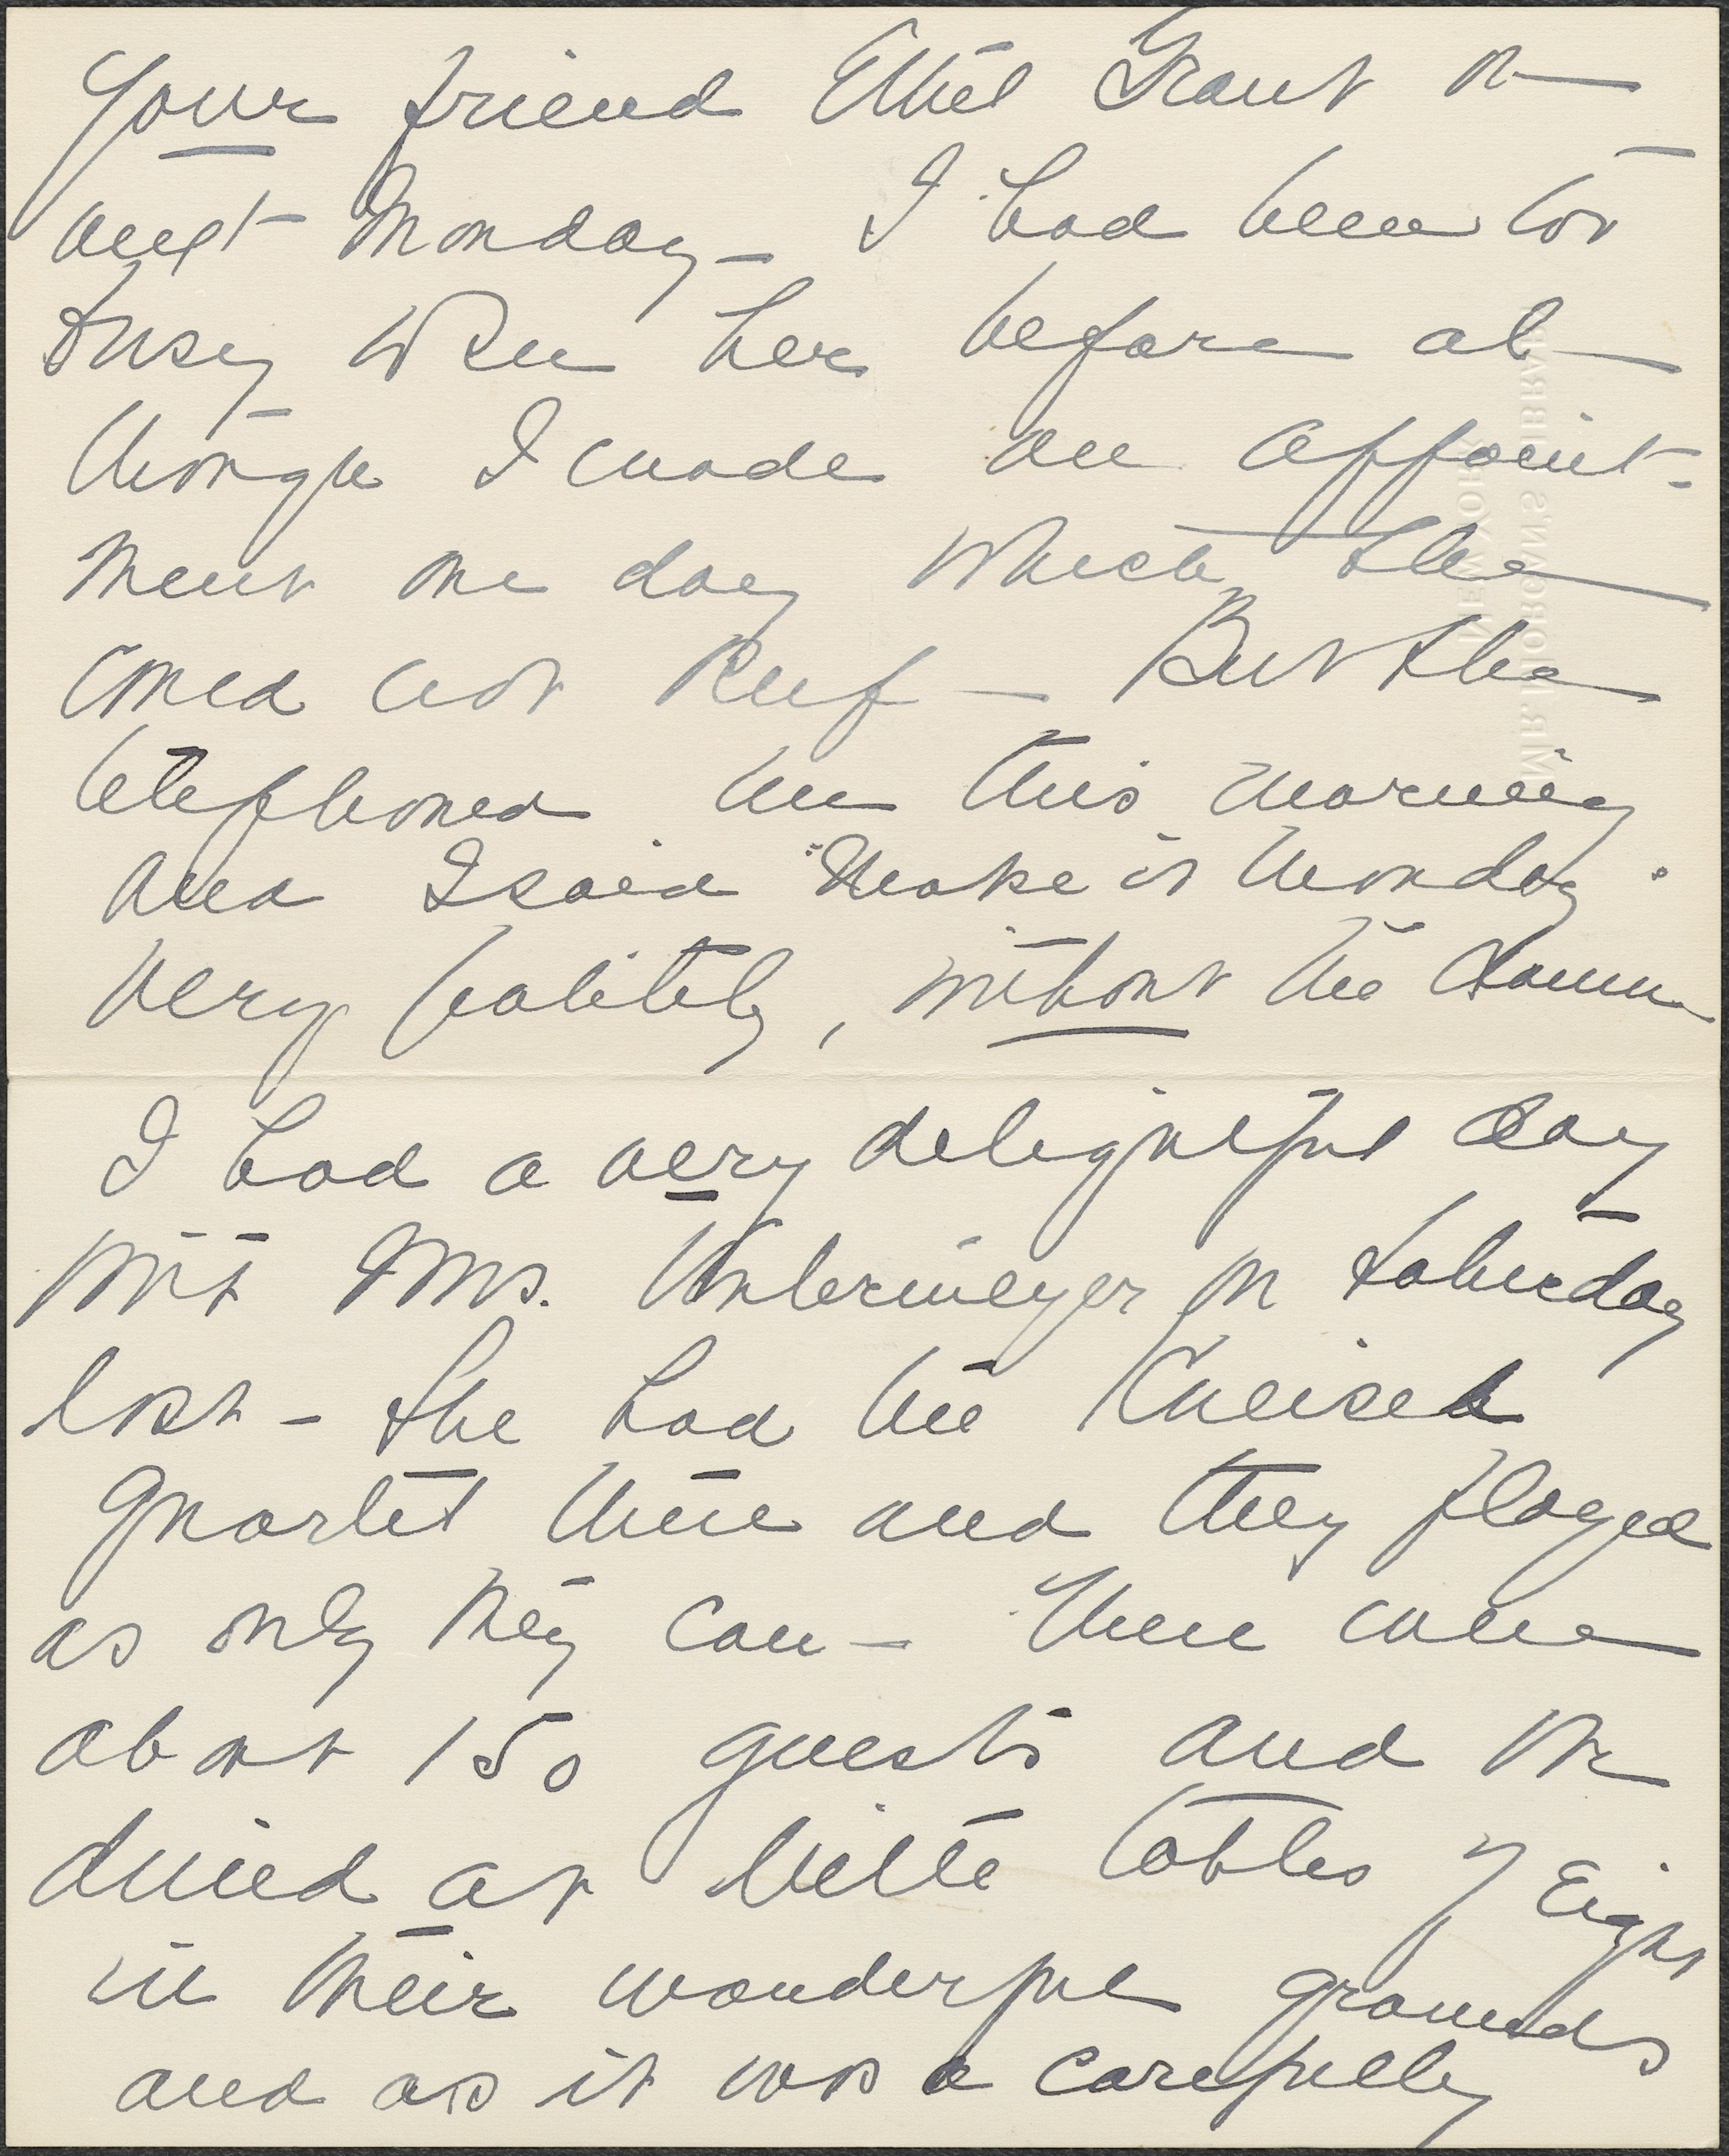your friend Ethel Grant on next Monday – I had been too busy to see her before although I made an appointment one day which she could not keep – But she telephoned me this morning and I said “Make it Monday” very politely, without the damn –
I had a very delightful day with Mrs. Untermeyer on Saturday last – She had the Kneisel quartet there and they played as only they can – There were about 150 guests and we dined at little tables of eight in their wonderful grounds and as it was a carefully